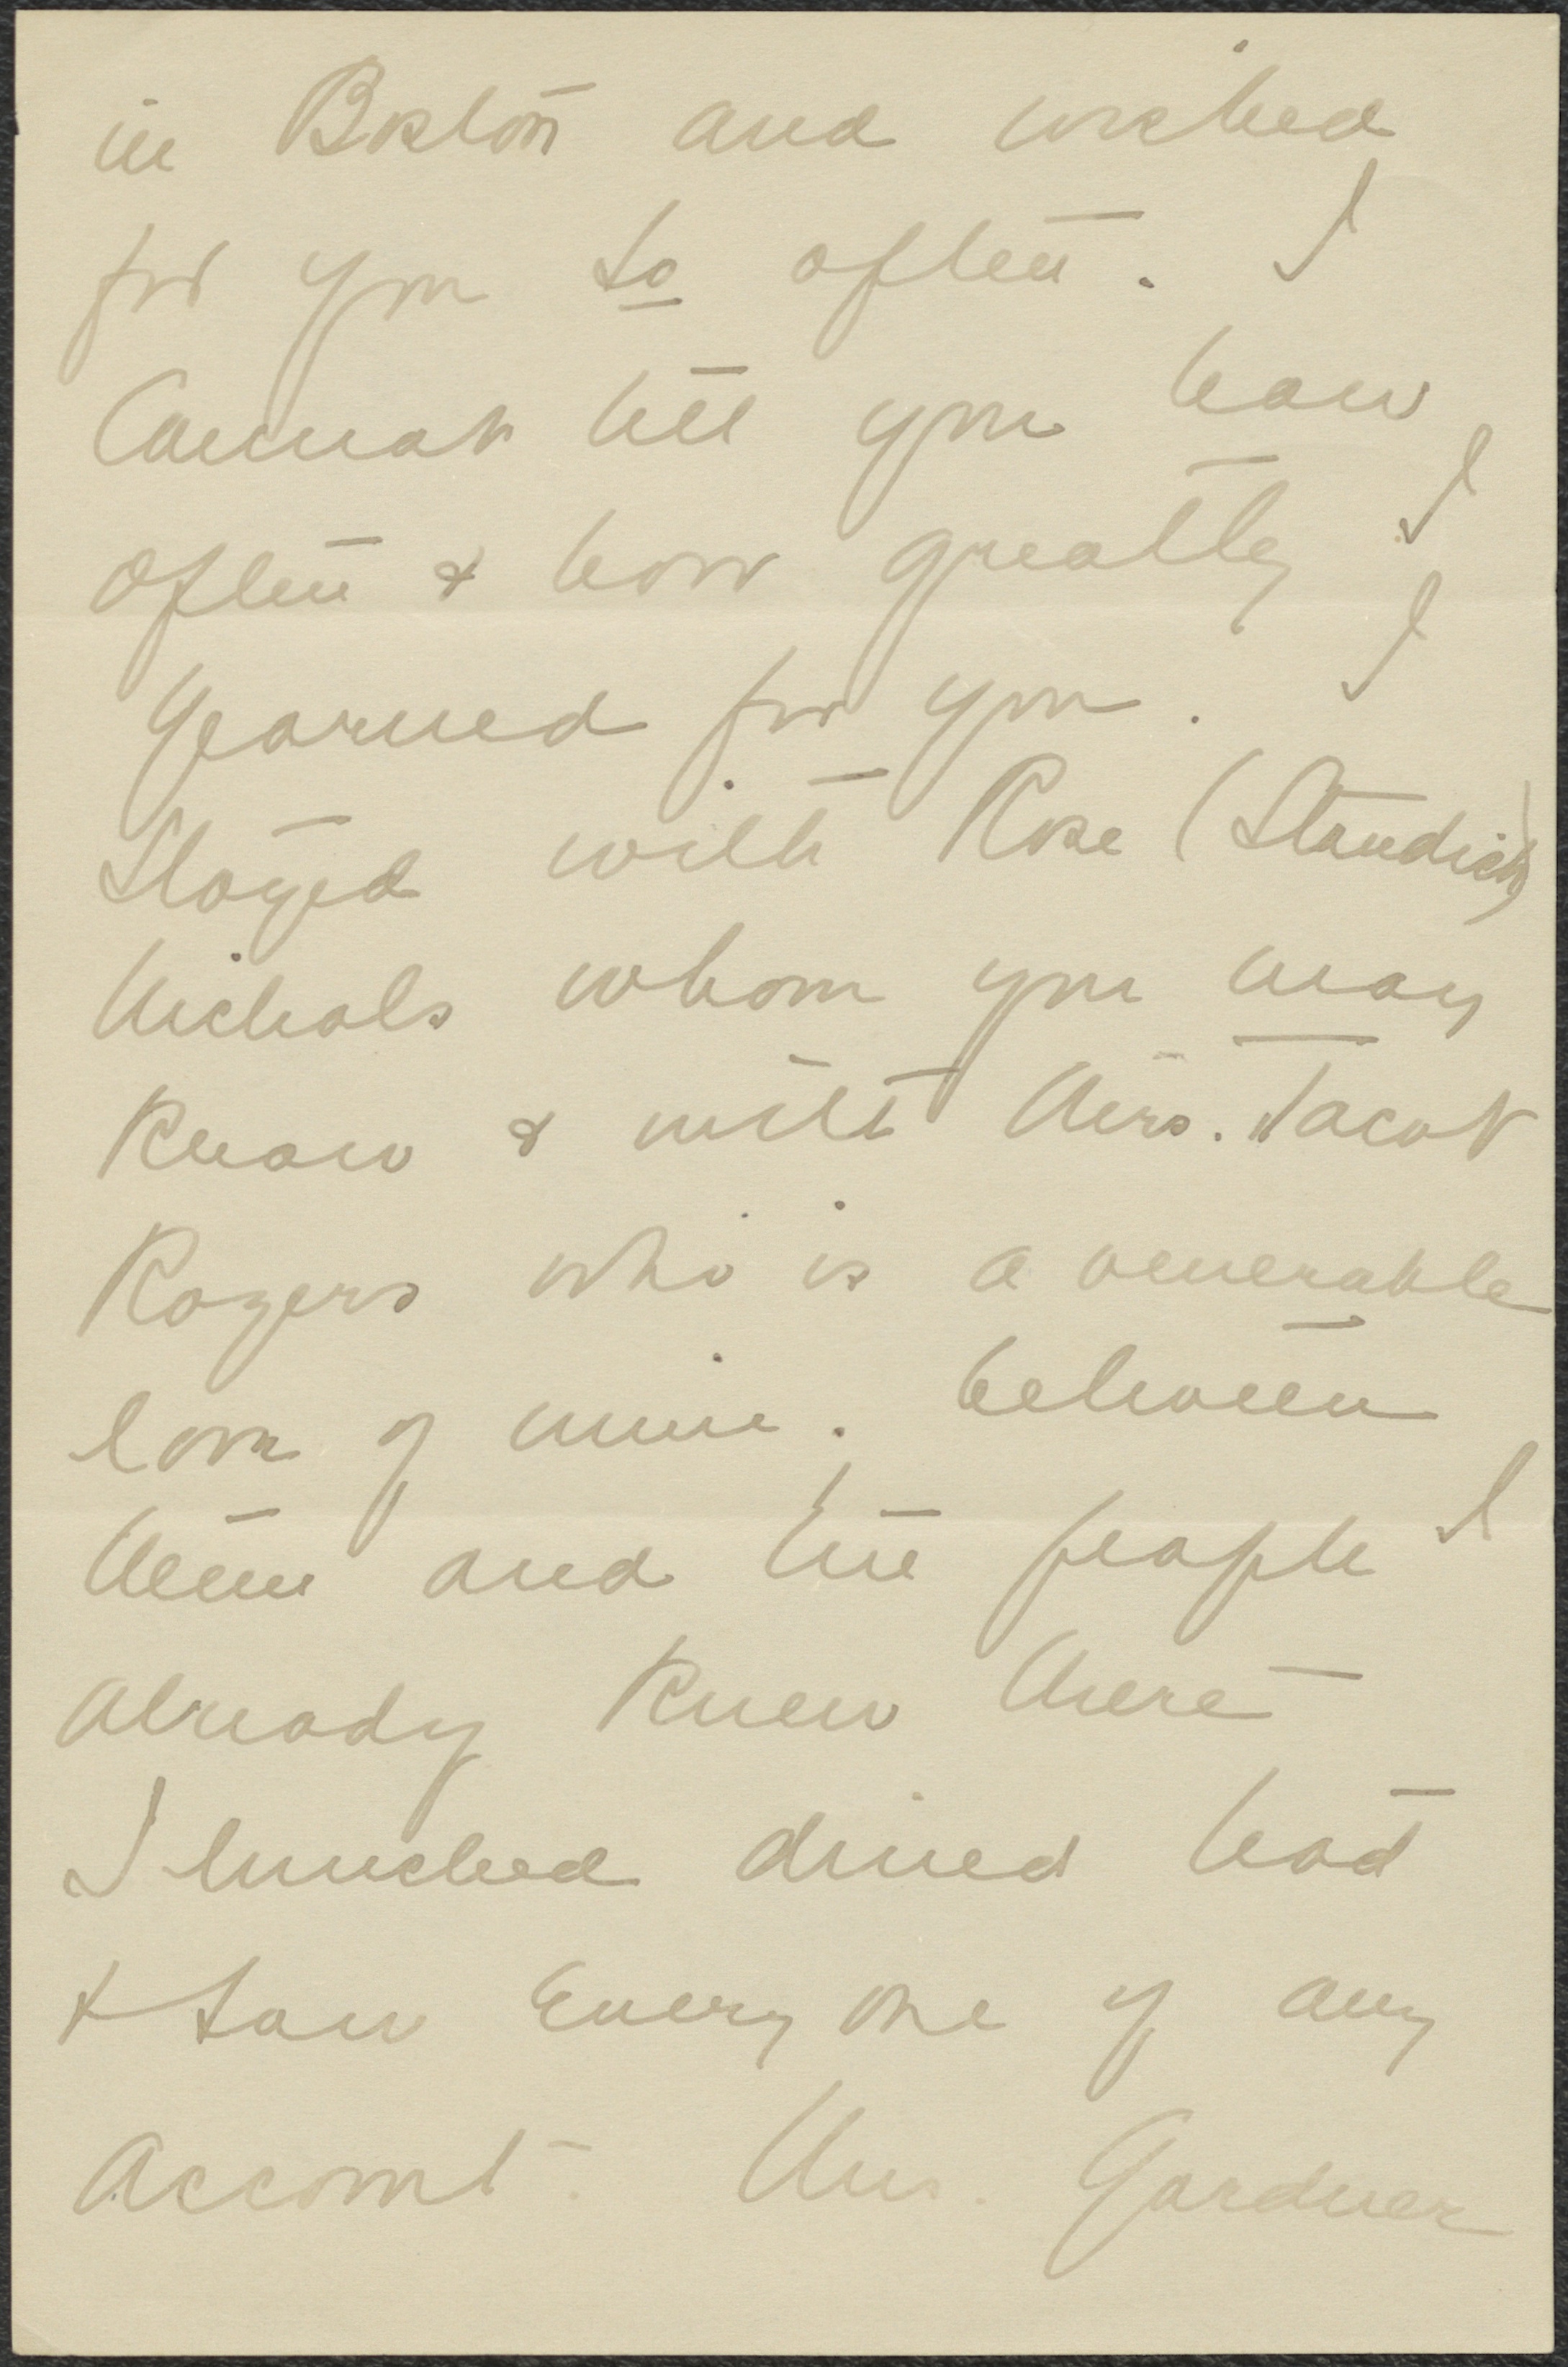in Boston and wished for you so often. I cannot tell you how often & how greatly I yearned for you. I stayed with Rose (Standish) Nichols whom you may know & with Mrs. Jacob Rogers who is a venerable love of mine. between them and the people I already knew there I lunched dined tead & saw every one of any account. Mrs. Gardner